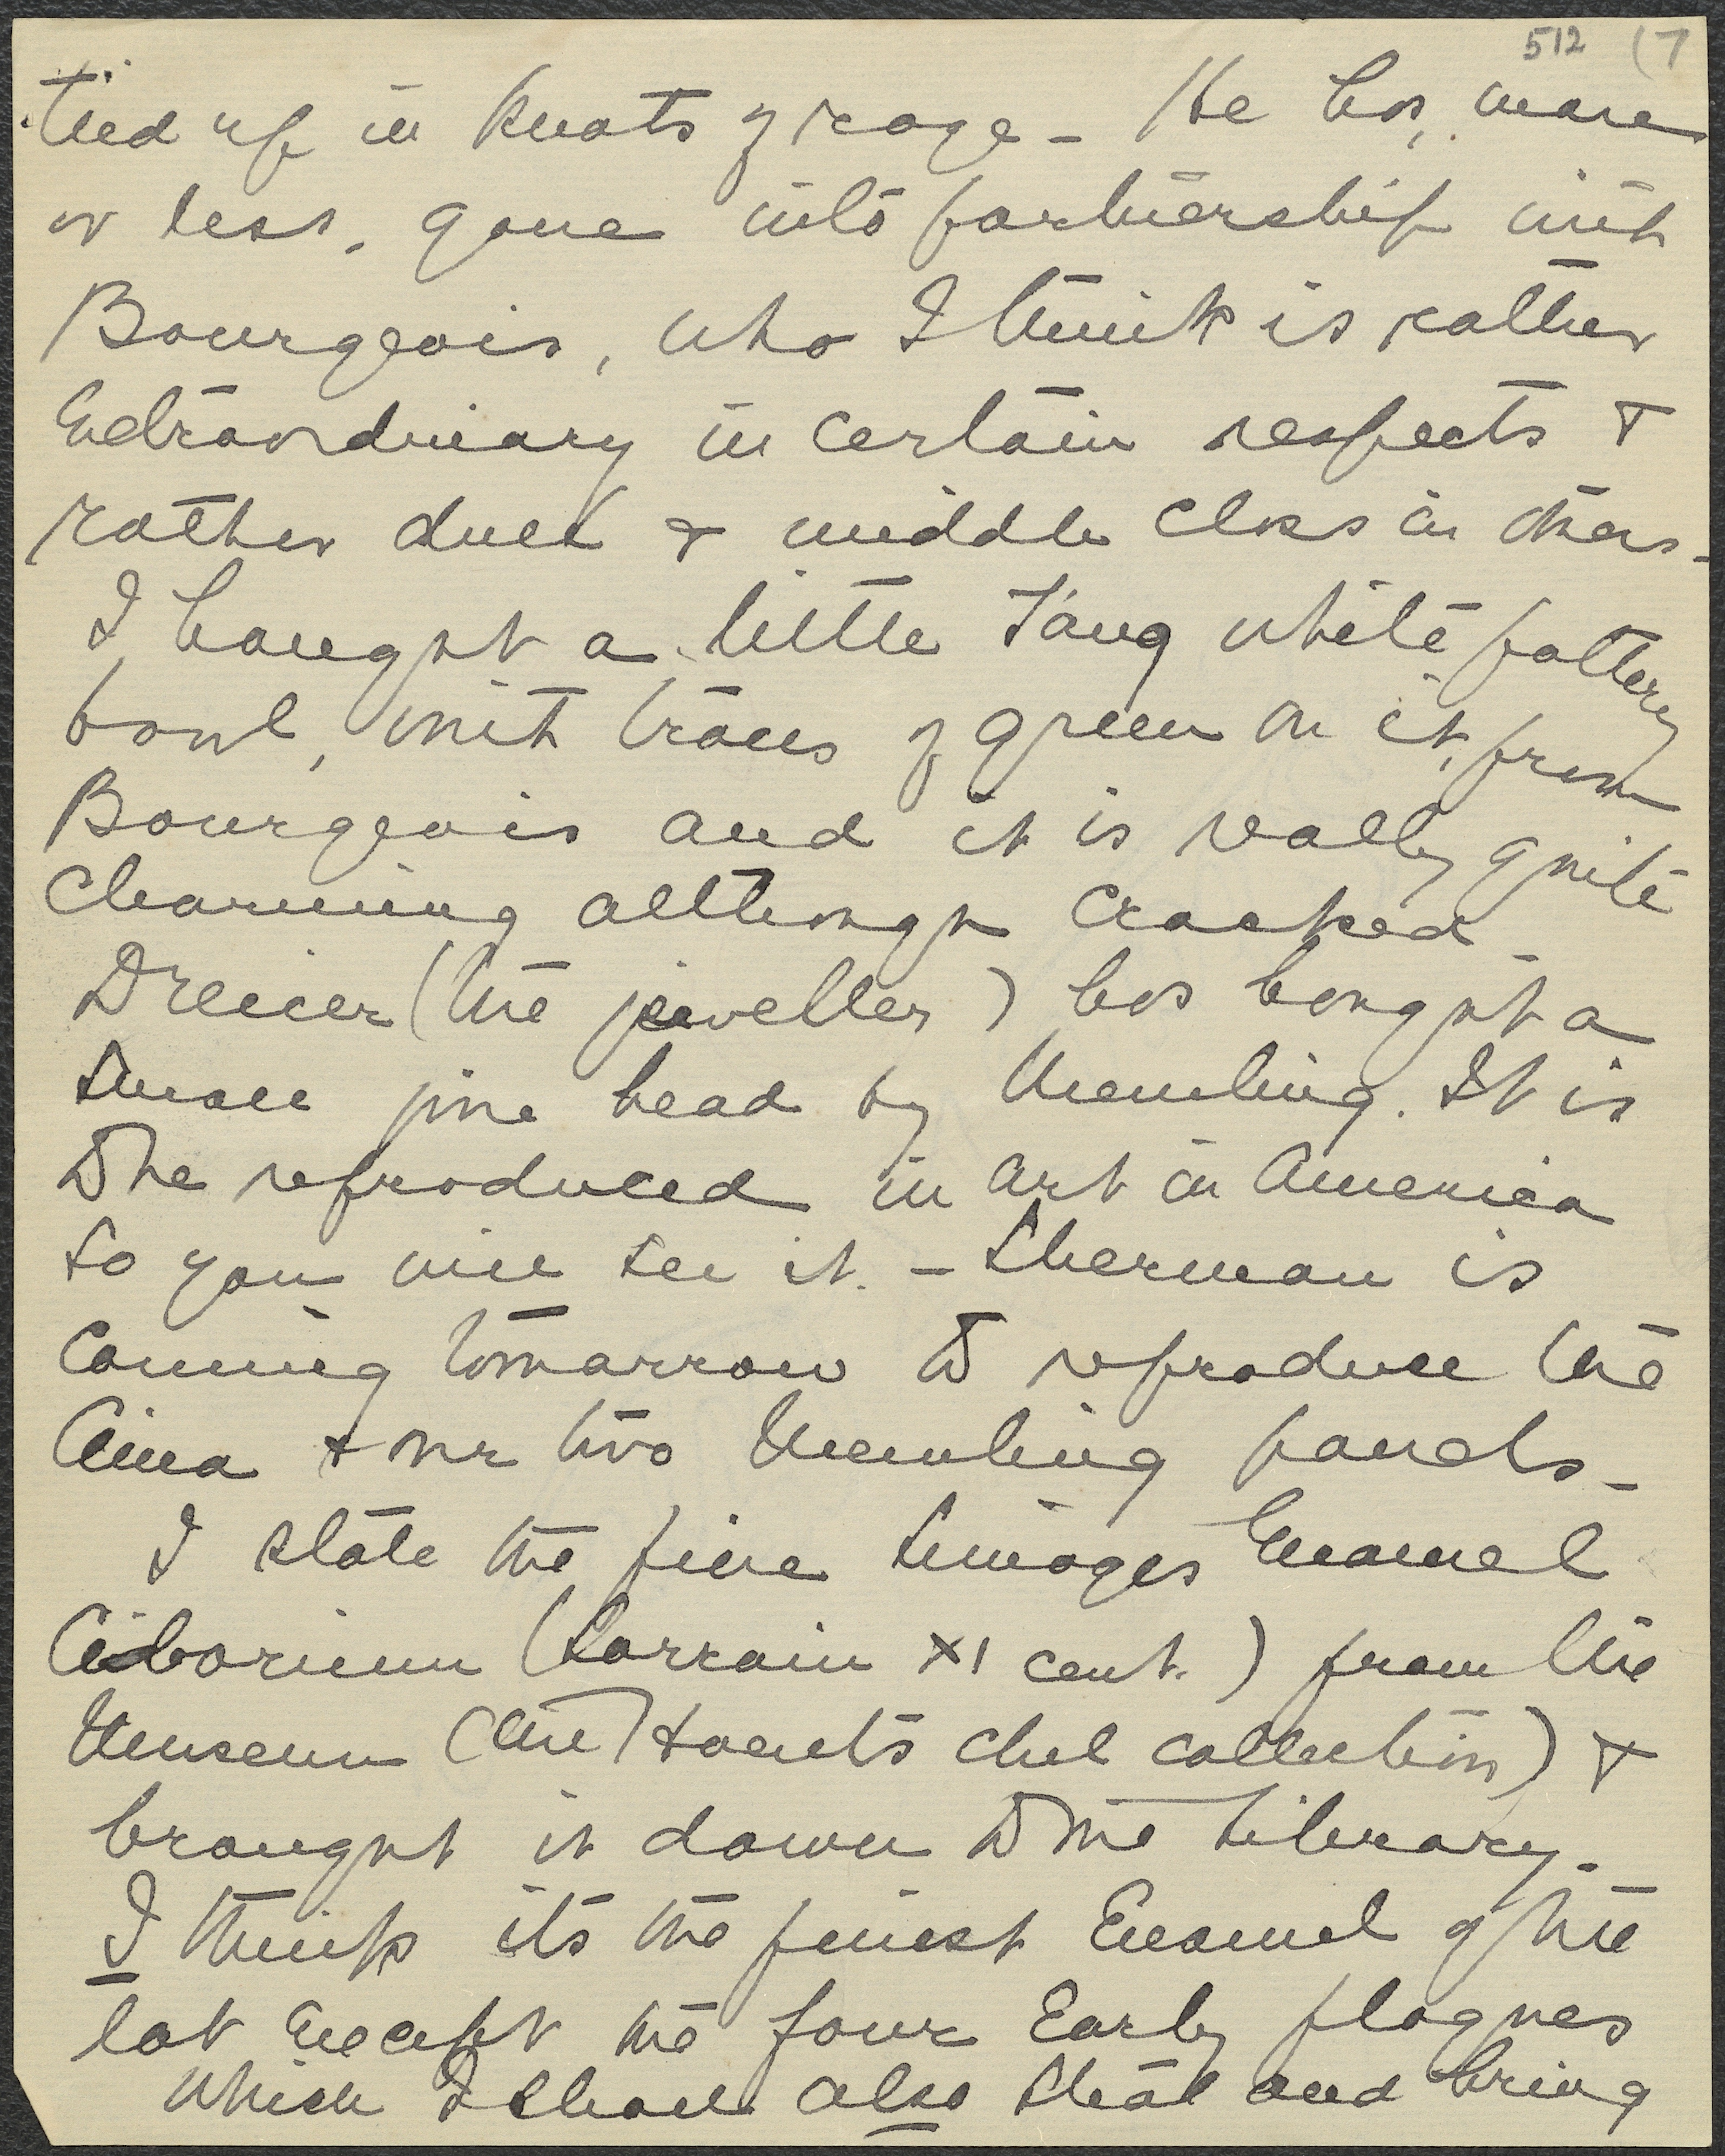tied up in knots of rage – He has more or less, gone into partnership with Bourgeois, who I think is rather extraordinary in certain respects & rather dull & middle class in others.
I bought a little T'ang white pottery bowl, with traces of green on it, from Bourgeois and it is really quite charming although cracked –
Dreicer (the jeweller) has bought a small fine head by Memling. It is to be reproduced in Art in America so you will see it. – Sherman is coming tomorrow to reproduce the Cima & our two Memling panels –
I stole the fine Limoges Enamel Ciborium (Lorrain XI cent.) from the Museum (the Hoentschel collection) & brought it down to the Library. – I think its the finest Enamel of the lot except the four early plaques which I shall also steal and bring